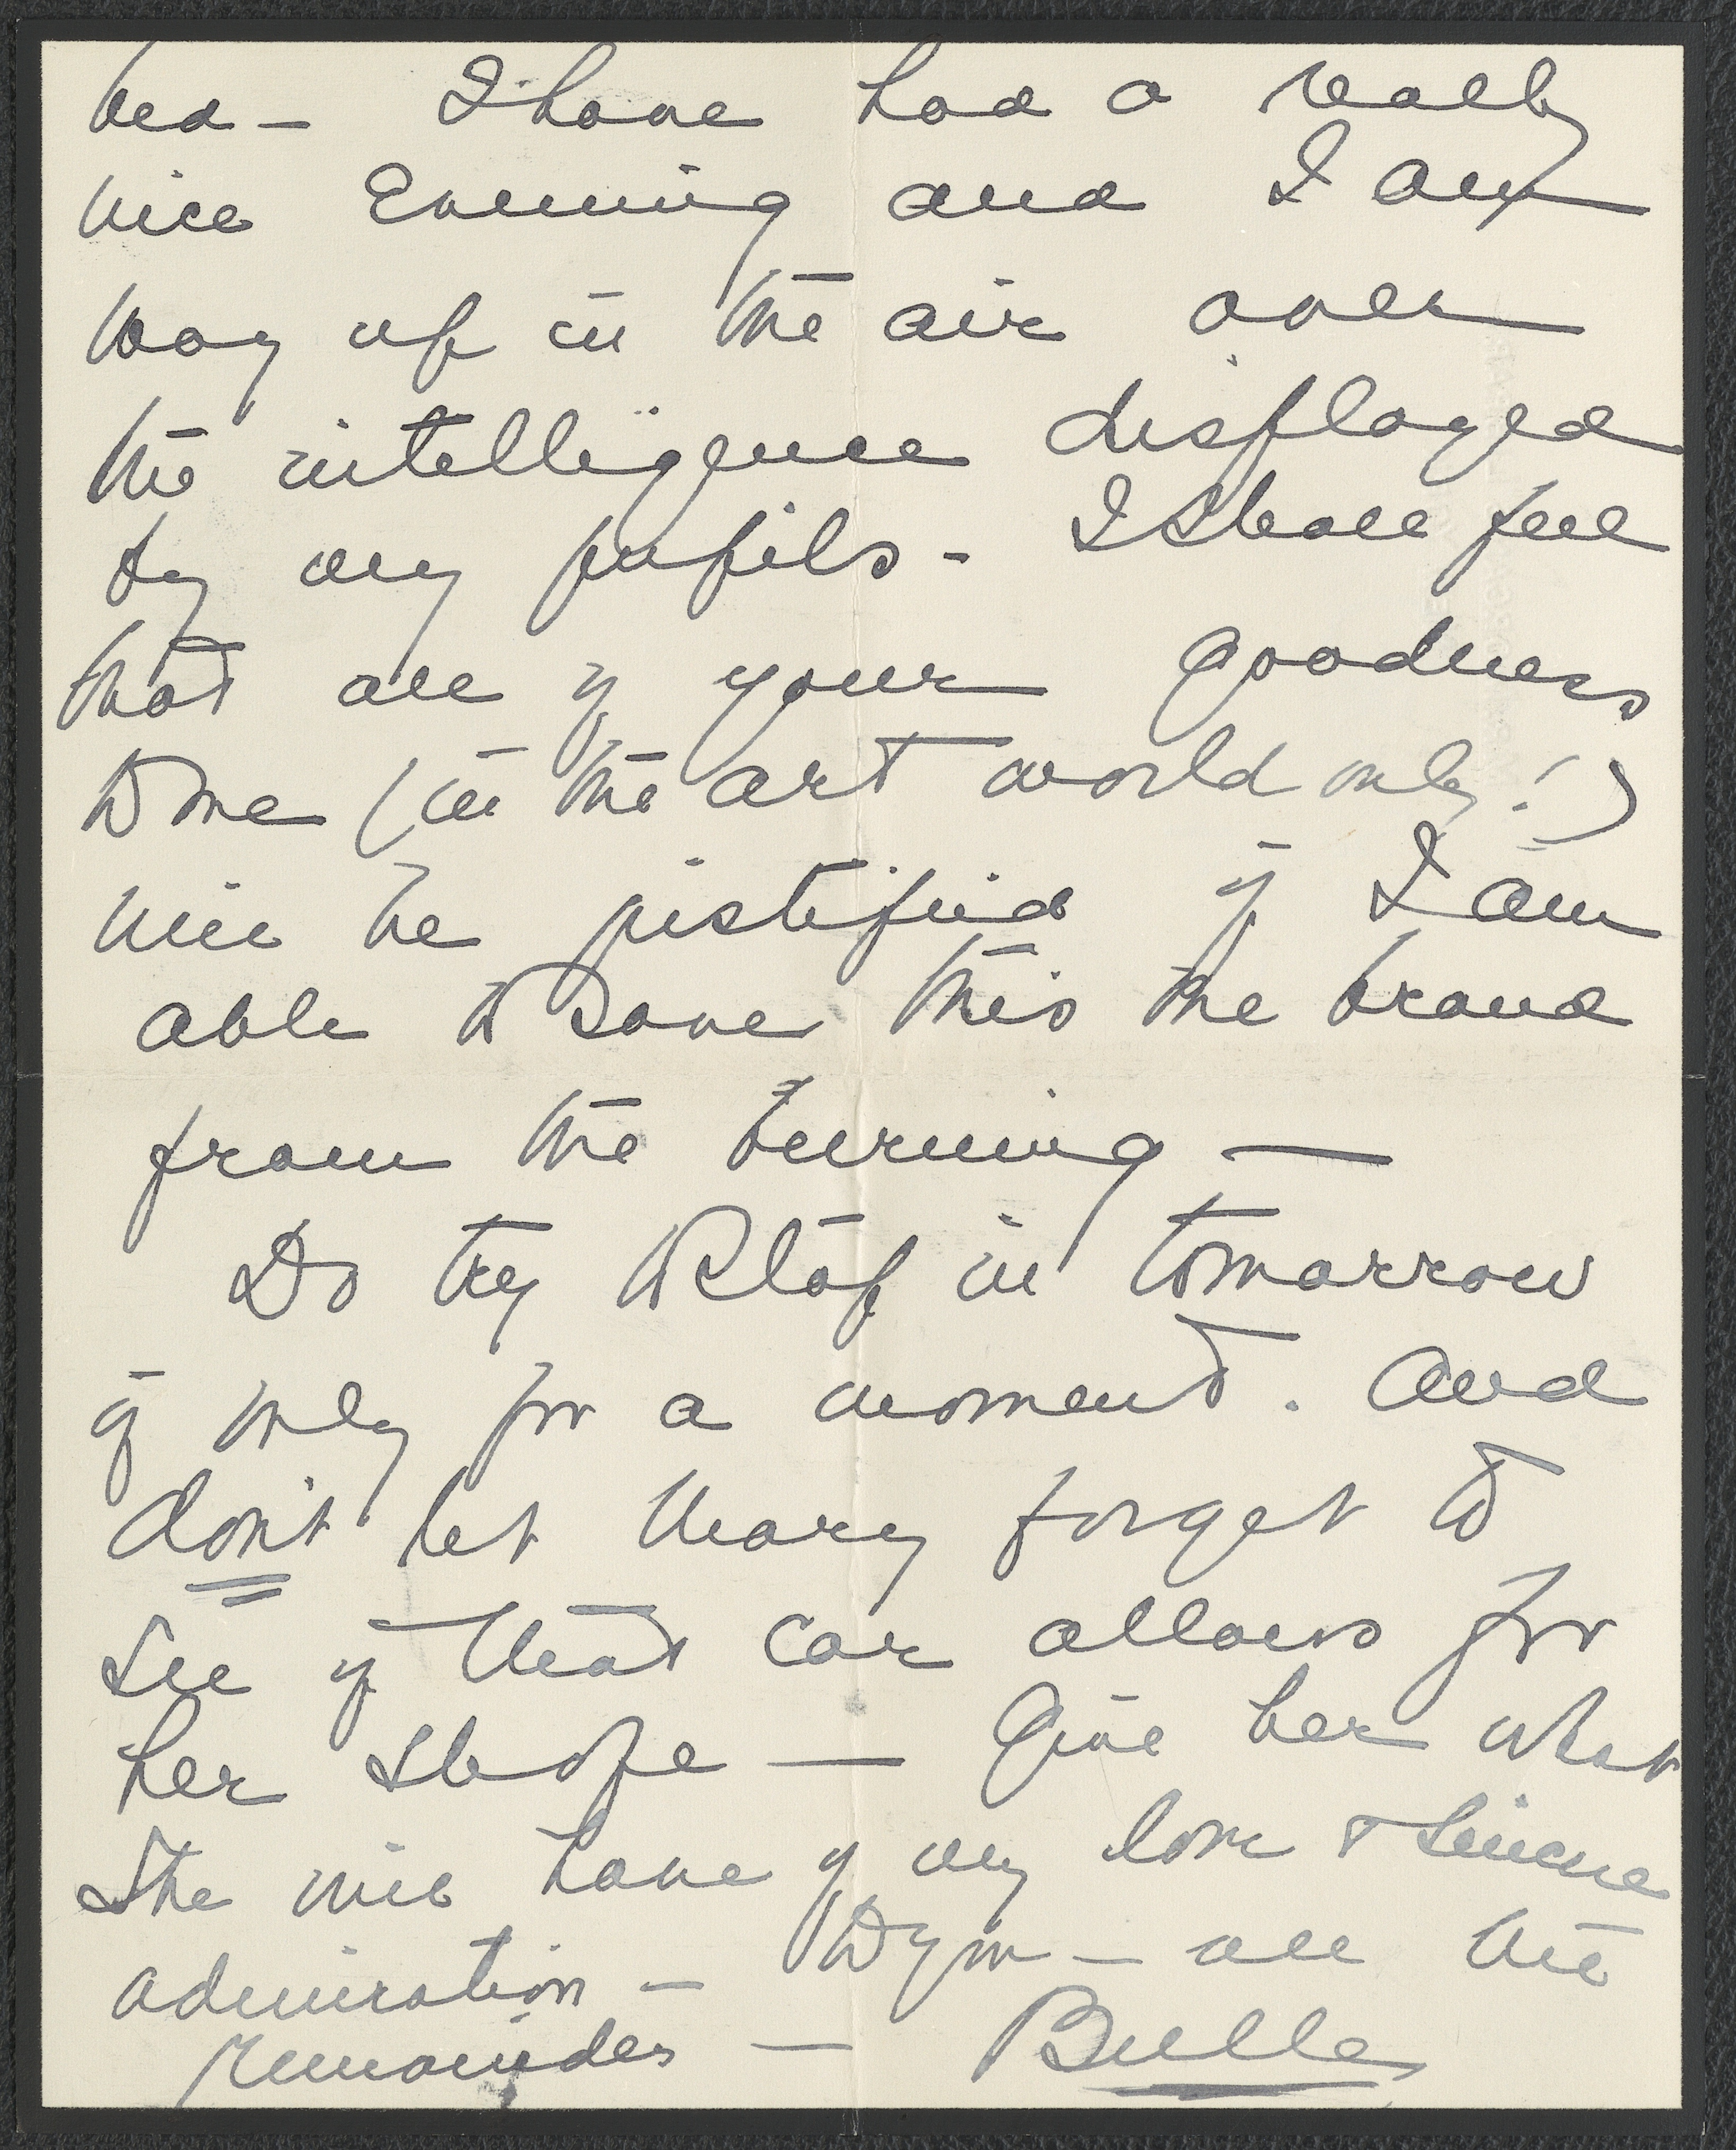bed – I have had a really nice evening and I am way up in the air over the intelligence displayed by my pupils – I shall feel that all of your goodness to me (in the art world only!) will be justified if I am able to save this one brand from the burning –
Do try to stop in tomorrow if only for a moment. And [double underlined: don’t] let Mary forgot to see if that car allows for her shape – Give her what she will have of my love & sincere admiration – to you – all the remainder – Belle